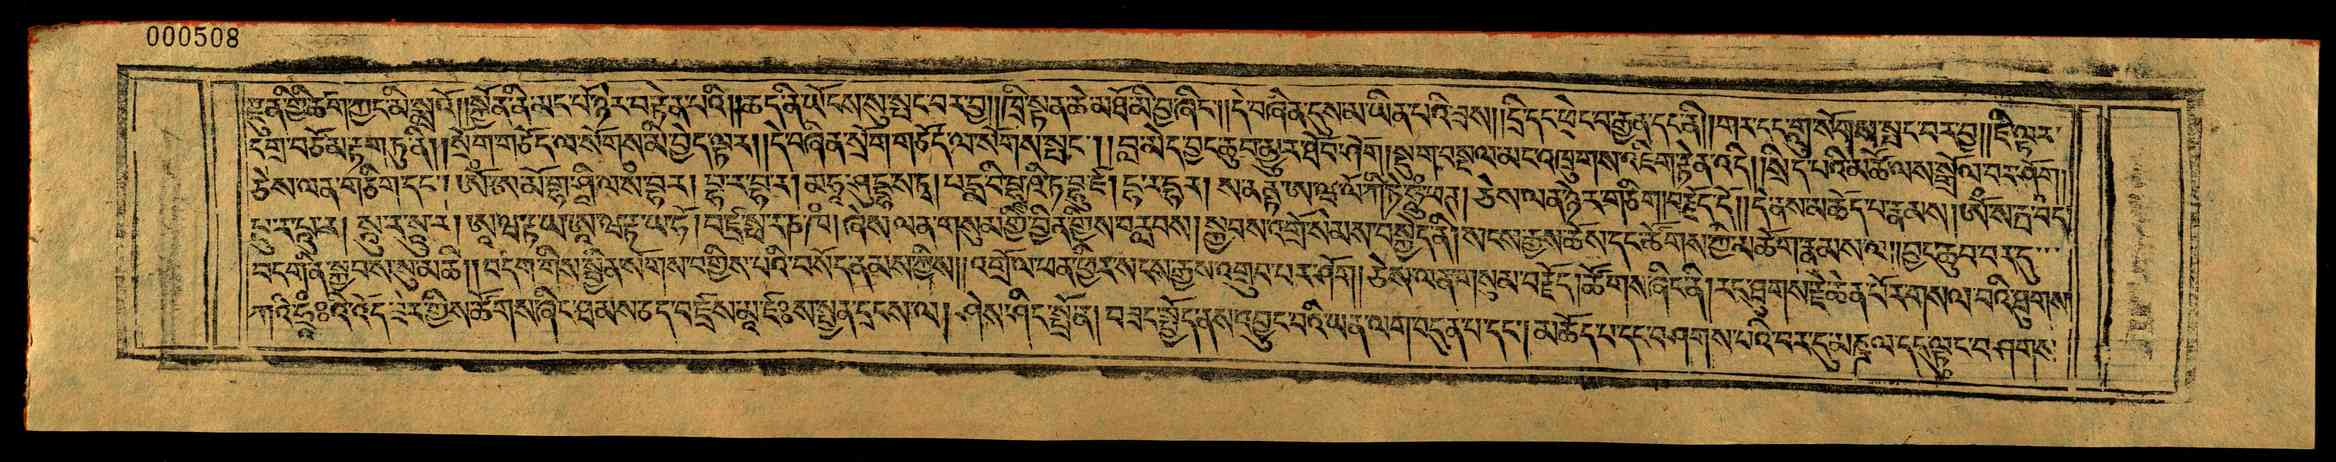རྫུན་གྱི་ཚིག་ཀྱང་མི་སྨྲ་འོ། །སྐྱོན་ནི་མང་པོ་ཉེར་བརྟེན་པའི། །ཆད་ནི་ཡོངས་སུ་སྤང་བར་བྱ། །ཁྲི་སྟན་ཆེ་མཐོ་མི་བྱ་ཞིང་། །དེ་བཞིན་དུས་མ་ཡིན་པའི་བྲས། །དྲི་དང་ཕྲེང་བ་རྒྱན་དང་ནི། །གར་དང་གླུ་སོགས་སྤང་བར་བྱ། །ཇི་ལྟར་དགྲ་བཅོམ་རྟག་ཏུ་ནི། །སྲོག་གཅོད་ལ་སོགས་མི་བྱེད་ལྟར། །དེ་བཞིན་སྲོག་གཅོད་ལ་སོགས་སྤང་། །བླ་མེད་བྱང་ཆུབ་མྱུར་ཐོབ་ཤོག །སྡུག་བསྔལ་མང་འཁྲུགས་འཇིག་རྟེན་འདི། །སྲིད་པའི་མཚོ་ལས་སྒྲོལ་བ་ཤོག །
ཅེས་ལན་གཅིག་དང་། ཨོམ་ཨ་མོ་གྷ་ཤཱི་ལ་སཾ་བྷ་ར། བྷ་ར་བྷ་ར། བཧཱ་ཤུདྡྷ་ས་ཏྭ། པདམ་བི་བྷཱུ་ཥི་ཏ་བྷུ་ཛ། དྷ་ར་དྷ་ར། ས་མནྟ་ཨ་ཝ་ལོ་ཀི་ཏེ་ཧཱུཾ་ཕཊ། ཅེས་ལན་ཉེར་གཅིག་བརྗོད་དོ། །དེ་ནས་མཆོད་པ་རྣམས། ཨོཾ་སརྦ་བིད་
པཱུ་ར་པཱུ་ར། སཱུ་ར་སཱུ་ར། ཨཱ་ཝ་རྟ་ཡ་ཨཱ་ཝ་རྟ་ཡ་ཧོ། བཛྲ་སྥར་ཎ་ཁཾ། ཞེས་ལན་གསུམ་གྱི་བྱིན་གྱིས་བརླབས། སྐྱབས་འགྲོ་སེམས་བསྐྱེད་ནི། སངས་རྒྱས་ཆོས་དང་ཚོགས་ཀྱི་མཆོག་རྣམས་ལ། །བྱང་ཆུབ་བར་དུ་
བདག་ནི་སྐྱབས་སུ་མཆི། །བདག་གིས་སྦྱིན་སོགས་བགྱིས་པའི་བསོད་ནམས་ཀྱིས། །འགྲོ་ལ་ཕན་ཕྱིར་སངས་རྒྱས་འགྲུབ་པར་ཤོག །ཅེས་ལན་གསུམ་བརྗོད། ཚོགས་ཞིང་ནི། རང་ཐུགས་རྗེ་ཆེན་པོ་ཐ་གསལ་བའི་ཐུགས་
ཀའི་ཧིཿ འི་འོད་ཟེར་གྱིས་ཚོགས་ཞིང་ཐམས་ཅད་བཛྲ་ས་མཱ་ཛཿ ས་སྤྱན་དྲངས་ལ། ཤེས་ཤིང་སྤྲོ་ན། བཟང་སྤྱོད་ནས་འབྱུང་བའི་ཡན་ལག་བདུན་པ་དང་། མཆོད་པ་དང་བཤགས་པའི་བར་དུ་མཎྜལ་དང་ལྟུང་བཤགས་